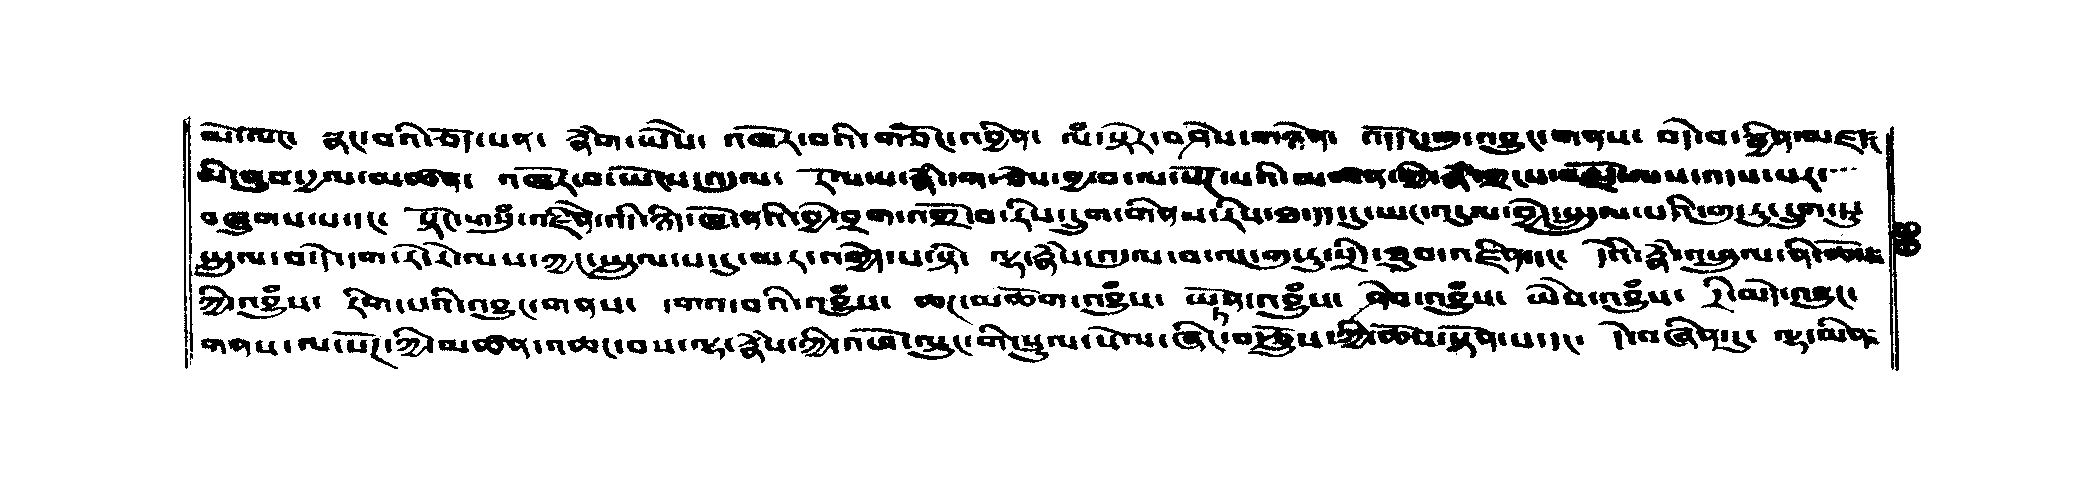མེ་ལོང་། སྣང་བའི་ཅོད་པན། རྣམ་དག་ཡེ་ཤེས། འཁོར་བའི་གཅོང་འབྱིན། ལཾ་སྟེར་བཤེས་གཉེན། འདོད་དགུ་འབྱུང་གནས། བདེ་བ་སྦྱིན་མཛད། 
མི་ནུབ་རྒྱལ་མཚན། འཁོར་བ་ཡོངས་འདུལ། རོལ་པ་རྣམ་དག་ཅེས་བྱ་བ་ལ་སོགས་པའི་མཚན་གྱི་རྣམ་གྲངས་བརྗོད་ལས་འདས་པར་
བཞུགས་པ་དང་། སྟོང་གསུམ་འཇིག་རྟེན་འདི་ཉིད་ཁོ་ནའི་བྱེ་བྲག་འགྲོ་བ་རིས་དྲུག་གི་གནས་རིས་ཐ་དད་དུ་ཡང་འདུལ་བྱེད་སྤྲུལ་པའི་གུ་རུ་དྲུག་ཏུ་
སྤྲུལ་བ་དེ་དག་རེ་རེ་ལས་ཀྱང་སྤྲུལ་པ་དུ་མར་འགྱེད་པ་སྟེ། ལྷ་རྣམས་འདུལ་བ་ལ་གུ་རུ་སྲིད་ཐུབ་འཛིན་དང་། དེའི་རྣམ་འཕྲུལ་ནི་ཆོས་
ཀྱི་འབྱུང་གནས། རིག་པའི་འབྱུང་གནས།དགའ་བའི་འབྱུང་གནས། ཆགས་མཆོག་འབྱུང་གནས། ཡཽན་ཏན་འབྱུང་གནས། ཤེས་རབ་འབྱུང་
གནས། ཡེ་ཤེས་འབྱུང་གནས། དྲི་མེད་འབྱུང་གནས་ལ་སོགས་ཀྱི་མཚན་འཆང་བས་ལྷ་རྣམས་ཀྱི་འཕོ་ལྟུང་གི་སྡུག་བསྔལ་སེལ་ཞིང་བརྩོན་འགྲུས་ཀྱི་ཆོས་སྟོན་པ་དང་། དེ་བཞིན་དུ་ལྷ་མིན་